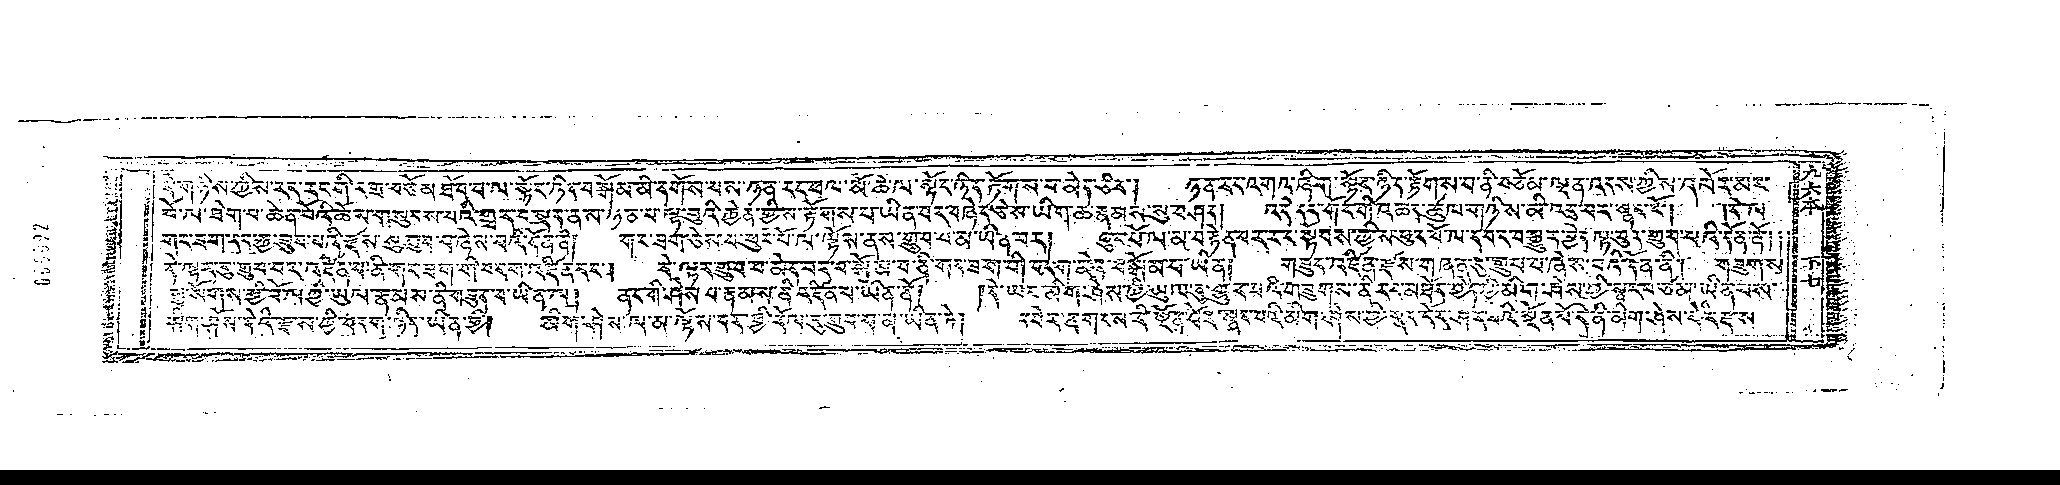དེ་གཉིས་ཀྱིས་རང་རང་གི་དགྲ་བཅོམ་ཐོབ་པ་ལ་སྟོང་ཉིད་བསྒོམ་མི་དགོས་པས་ཉན་རང་ཕལ་མོ་ཆེ་ལ་སྟོང་ཉིད་རྟོགས་པ་མེད་ཅིང་། ཉན་རང་འགའ་ཞིག་སྟོང་ཉིད་རྟོགས་པ་ནི་བཅོམ་ལྡན་འདས་ཀྱིས་འཁོར་མང་
པོ་ལ་ཐེག་པ་ཆེན་པོའི་ཆོས་གསུངས་པའི་གྲྭར་བསྡང་ནས་ཉན་པ་ལྟ་བུའི་རྐྱེན་གྱིས་རྟོགས་པ་ཡིན་བར་བཞེད་ཅེས་ཡིག་ཆ་རྣམས་སུ་བཤད། འདི་དང་གོང་གི་འཆང་ཚུལ་གཉིས་མི་འདྲ་བར་སྣང་ངོ། །དེ་ལ་
གང་ཟག་རང་རྐྱ་ཐུབ་པའི་རྫས་སུ་གྲུབ་པ་ཞེས་པའི་དོན་ནི། གང་ཟག་ཅེས་པ་ཕུང་པོ་ལ་ལྟོས་ནས་གྲུབ་བ་མ་ཡིན་པར། ཕུང་པོ་ལ་མ་བརྟེན་པར་རང་སྟོབས་ཀྱིས་ཕུང་པོ་ལ་དབང་བསྒྱུར་བྱེད་ལྟ་བུར་གྲུབ་པའི་དོན་ནོ། །
དེ་ལྟར་དུ་གྱུར་བར་འཛིན་བ་ནི་གང་ཟག་གི་བདག་འཛིན་དང་། དེ་ལྟར་གྲུབ་པ་མེད་པར་བསྒོམ་པ་ནི་གང་ཟག་གི་བདག་མེད་བསྒོམ་པ་ཡིན། གཟུང་འཛིན་རྫས་གཞན་དུ་གྲུབ་པ་ཞེས་པའི་དོན་ནི། གཟུགས་
སྒྲ་སོགས་ཕྱི་རོལ་གྱི་ཡུལ་རྣམས་ནི་གཟུང་བ་ཡིན་ལ། ནང་གི་ཤེས་པ་རྣམས་ནི་འཛིན་པ་ཡིན་ནོ། །དེ་ཡང་མིག་ཤེས་ཀྱི་ཡུལ་དུ་གྱུར་པའི་གཟུགས་ནི་རང་མཐོང་བྱེད་ཀྱི་མིག་ཤེས་ཀྱི་སྣང་བ་ཙམ་ཡིན་པས་
མིག་ཤེས་དེའི་རྫས་ཀྱི་བདག་ཉིད་ཡིན་གྱི། མིག་ཤེས་ལ་མ་ལྟོས་པར་ཕྱི་རོལ་དུ་གྲུབ་པ་མ་ཡིན་ཏེ། དཔེར་ན་གངས་རི་སྔོན་པོར་སྣང་བའི་མིག་ཤེས་ཀྱི་སྣང་དོར་ཤར་བའི་སྔོན་པོ་དེ་ནི་མིག་ཤེས་དེའི་རྫས་